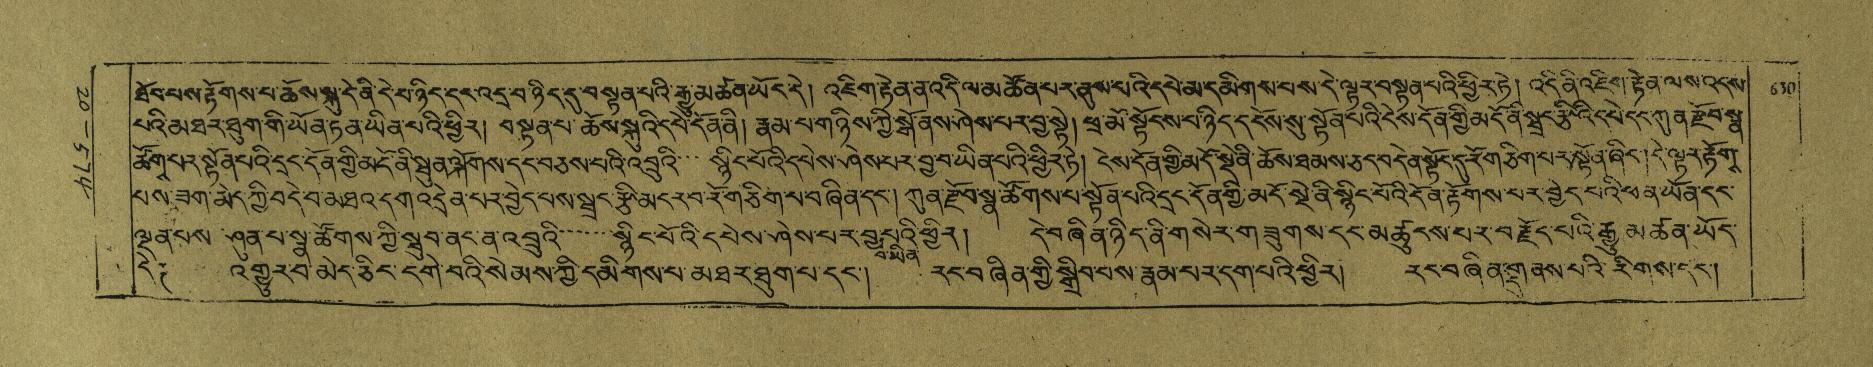ཐོབ་པས་རྟོགས་པ་ཆོས་སྐུ་དེ་ནི་དེ་པ་ཉིད་དང་འདྲ་བ་ཉིད་དུ་བསྟན་པའི་རྒྱུ་མཚན་ཡོད་དེ། འཇིག་རྟེན་ན་འདི་ལ་མཚོན་པར་ནུས་པའི་དཔེ་མ་དམིགས་པས་དེ་ལྟར་བསྟན་པའི་ཕྱིར་ཏེ། འདི་ནི་འཇིག་རྟེན་ལས་འདས་
པའི་མཐར་ཐུག་གི་ཡོན་ཏན་ཡིན་པའི་ཕྱིར། བསྟན་པ་ཆོས་སྐུའི་དཔེ་དོན་ནི། རྣམ་པ་གཉིས་ཀྱི་སྒོ་ནས་ཤེས་པར་བྱ་སྟེ། ཕྲ་མོ་སྟོངས་པ་ཉིད་དངོས་སུ་སྟོན་པའི་དེས་ངེས་དོན་གྱི་མདོ་ནི་སྦྲང་རྩིའི་དཔེ་དང་ཀུན་རྫོབ་སྣ་
ཚོགས་པར་སྟོན་པའི་དྲང་དོན་གྱི་མདོ་ནི་སྦུན་ལྐོགས་དང་བཅས་པའི་འབྲུའི་སྙིང་པོའི་དཔེས་ཤེས་པར་བྱ་བ་ཡིན་པའི་ཕྱིར་ཏེ། ངེས་དོན་གྱི་མདོ་སྡེ་ནི་ཆོས་ཐམས་ཅད་བདེན་སྟོང་དུ་རོ་གཅིག་པར་སྟོན་ཞིང་། དེ་ལྟར་རྟོགས་
པས་ཟག་མེད་ཀྱི་བདེ་བ་མཐའ་དག་འདྲེན་པར་བྱེད་པས་སྦྲང་རྩི་མངར་བ་རོ་གཅིག་པ་བཞིན་དང་། ཀུན་རྫོབ་སྣ་ཚོགས་པ་སྟོན་པའི་དྲང་དོན་གྱི་མདོ་སྡེ་ནི་སྙིང་པོའི་དོན་རྟོགས་པར་བྱེད་པའི་ཕན་ཡོན་དང་
ལྡན་པས་ཤུན་པ་སྣ་ཚོགས་ཀྱི་སྦུབ་ནང་ན་འབྲུའི་སྙིང་པོའི་དཔེས་ཤེས་པར་བྱ་བ་ཡིན་པའི་ཕྱིར། དེ་བཞིན་ཉིད་ནི་གསེར་གཟུགས་དང་མཚུངས་པར་བརྗོད་པའི་རྒྱུ་མཚན་ཡོད་
དེ༑ འགྱུར་བ་མེད་ཅིང་དགེ་བའི་སེམས་ཀྱི་དམིགས་པ་མཐར་ཐུག་པ་དང་། རང་བཞིན་གྱི་སྒྲིབ་པས་རྣམ་པར་དག་པའི་ཕྱིར། རང་བཞིན་དུ་གནས་པའི་རིགས་དང་།